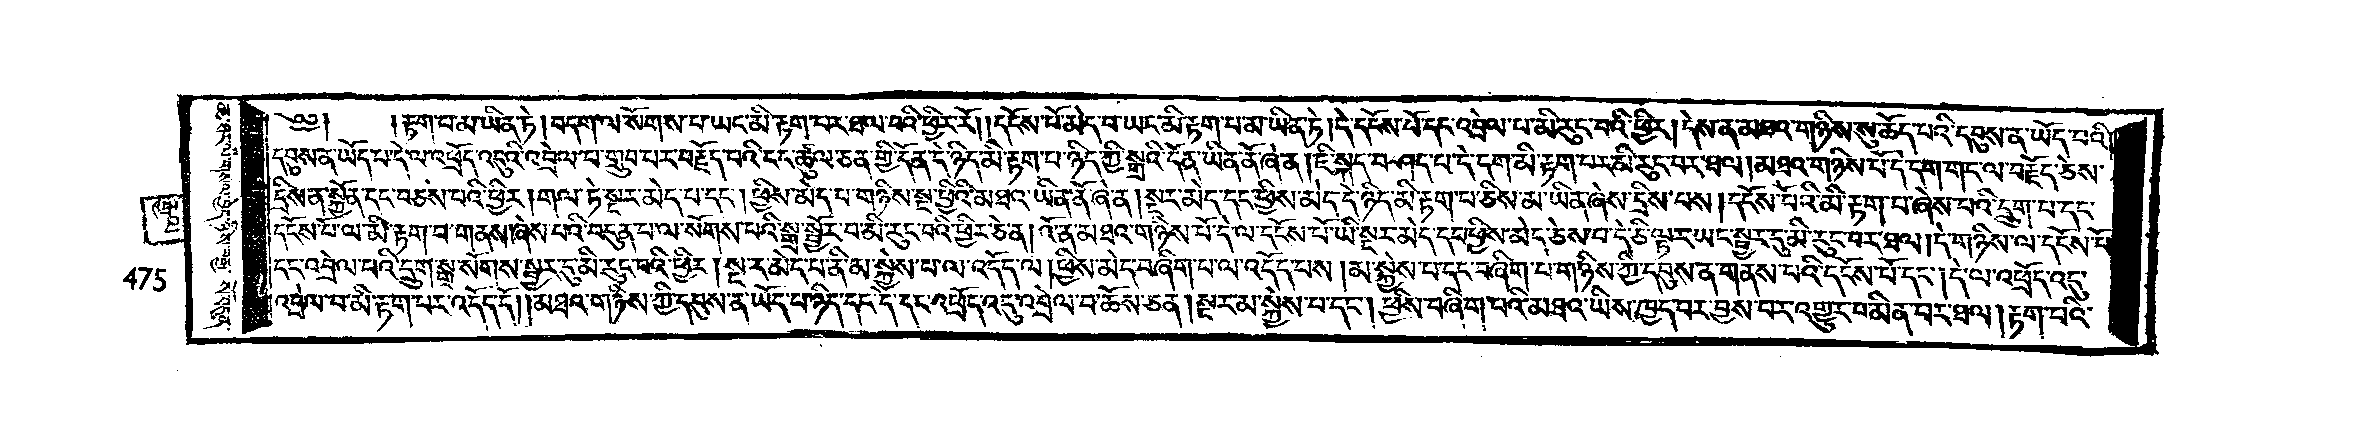༄༅། །རྟག་པ་མ་ཡིན་ཏེ། བདག་ལ་སོགས་པ་ཡང་མི་རྟག་པར་ཐལ་བའི་ཕྱིར་རོ། །དངོས་པོ་མེད་པ་ཡང་མི་རྟག་པ་མ་ཡིན་ཏེ། དེ་དངོས་པོ་དང་འབྲེལ་པ་མི་རུང་བའི་ཕྱིར། དེས་ན་མཐའ་གཉིས་སུ་ཆོད་པའི་དབུས་ན་ཡོད་པའི་
དབུས་ན་ཡོད་པ་དེ་ལ་འཕྲོད་འདུའི་འབྲེལ་པ་གྲུབ་པར་བརྗོད་པའི་ངང་ཚུལ་ཅན་གྱི་དོན་དེ་ཉིད་མི་རྟག་པ་ཉིད་ཀྱི་སྒྲའི་དོན་ཡིན་ནོ་ཞེ་ན། ཇི་སྐད་བཤད་པ་དེ་དག་མི་རྟག་པར་མི་རུང་བར་ཐལ། མཐའ་གཉིས་པོ་དེ་དག་གང་ལ་བརྗོད་ཅེས་
དྲིས་ན་སྐྱོན་དང་བཅས་པའི་ཕྱིར། གལ་ཏེ་སྔར་མེད་པ་དང་། ཕྱིས་མེད་པ་གཉིས་སྔ་ཕྱིའི་མཐའ་ཡིན་ནོ་ཞེ་ན། སྔར་མེད་དང་ཕྱིས་མེད་དེ་ཉིད་མི་རྟག་པ་ཅིས་མ་ཡིན་ཞེས་དྲིས་པས། དངོས་པོའི་མི་རྟག་པ་ཞེས་པའི་དྲུག་པ་དང་
དངོས་པོ་ལ་མི་རྟག་པ་གནས་ཞེས་པའི་བདུན་པ་ལ་སོགས་པའི་སྒྲ་སྦྱོར་བ་མི་རུང་བའི་ཕྱིར་ཅེ་ན། འོ་ན་མཐའ་གཉིས་པོ་དེ་ལ་དངོས་པོ་ཡི་སྔར་མེད་དང་ཕྱིས་མེད་ཅེས་པ་དེ་ཅི་ལྟར་ཡང་སྦྱར་དུ་མི་རུང་བར་ཐལ། དེ་གཉིས་ལ་དངོས་པོ་
དང་འབྲེལ་པའི་དྲུག་སྒྲ་སོགས་སྦྱར་དུ་མི་རུང་བའི་ཕྱིར་།སྔར་མེད་པ་ནི་མ་སྐྱེས་པ་ལ་འདོད་ལ། ཕྱིས་མེད་བཞིག་པ་ལ་འདོད་པས། མ་སྐྱེས་པ་དང་བཞིག་པ་གཉིས་ཀྱི་དབུས་ན་གནས་པའི་དངོས་པོ་དང་། དེ་ལ་འཕྲོད་འདུ་
འབྲེལ་བ་མི་རྟག་པར་འདོད་དོ། །མཐའ་གཉིས་ཀྱི་དབུས་ན་ཡོད་པ་ཉིད་དང་དེ་དང་འཕྲོད་འདུ་འགྲེལ་བ་ཆོས་ཅན། སྔར་མ་སྐྱེས་པ་དང་། ཕྱིས་བཞིག་པའི་མཐའ་ཡིས་ཁྱད་པར་བྱས་པར་འགྱུར་བ་མིན་པར་ཐལ། རྟག་པའི་